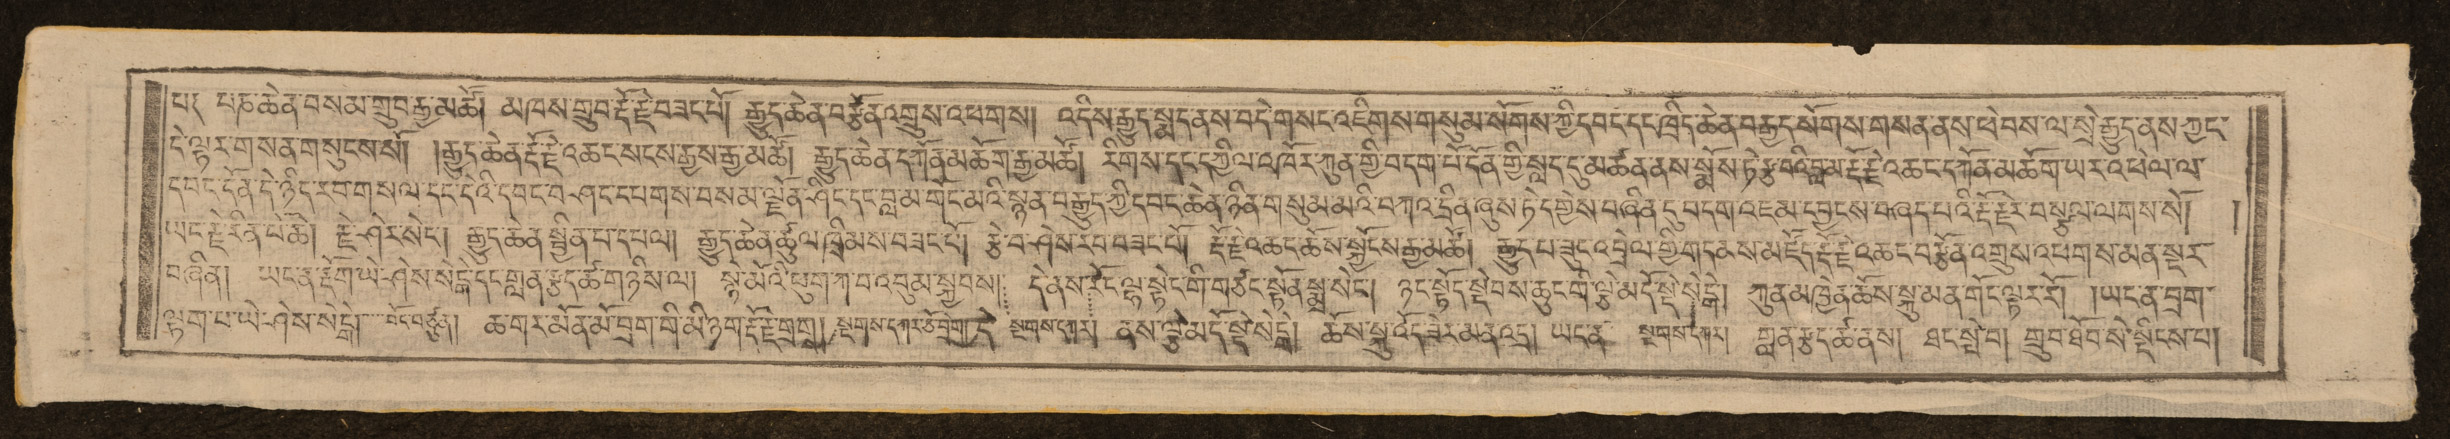པ༑ པཎ་ཆེན་བསམ་གྲུབ་རྒྱ་མཚོ། མཁས་གྲུབ་རྡོ་རྗེ་བཟང་པོ། རྒྱུད་ཆེན་བརྩོན་འགྲུས་འཕགས། འདིས་རྒྱུད་སྨད་ནས་བདེ་གསང་འཇིགས་གསུམ་སོགས་ཀྱི་དབང་དང་ཁྲིད་ཆེན་བརྒྱད་སོགས་གསན་ནས་ཕེབས་ལ་སྲེ་རྒྱུད་ནས་ཀྱང་
དེ་ལྟར་གསན་གསུངས་སོ། །རྒྱུད་ཆེན་རྡོ་རྗེ་འཆང་སངས་རྒྱས་རྒྱ་མཚོ། རྒྱུད་ཆེན་དཀོན་མཆོག་རྒྱ་མཚོ། རིགས་དང་དཀྱིལ་འཁོར་ཀུན་གྱི་བདག་པོ་དོན་གྱི་སླད་དུ་མཚན་ནས་སྨོས་ཏེ་རྩ་བའི་བླ་མ་རྡོ་རྗེ་འཆང་དཀོན་མཆོག་ཡར་འཕེལ་ལ་
དབང་དོན་དེ་ཉིད་རབ་གསལ་དང་དེའི་དབང་བཤད་དཔགས་བསམ་ལྗོན་ཤིང་དང་བླ་མ་གོང་མའི་སྙན་བརྒྱུད་ཀྱི་དབང་ཆེན་ཉིན་གསུམ་མའི་བཀའ་དྲིན་ཞུས་ཏེ་དགྱེས་བཞིན་དུ་བདག་འཇམ་དབྱངས་བཞད་པའི་རྡོ་རྗེར་བསྩལ་ལགས་སོ། །
ཡང་རྗེ་རིན་པོ་ཆེ། རྗེ་ཤེར་སེང་། རྒྱུད་ཆེན་སྦྱིན་པ་དཔལ། རྒྱུད་ཆེན་ཚུལ་ཁྲིམས་བཟང་པོ། རྩེ་བ་ཤེས་རབ་བཟང་པོ། རྡོ་རྗེ་འཆང་ཆོས་སྐྱོངས་རྒྱ་མཚོ། རྒྱུད་པ་ཟུང་འབྲེལ་གྱི་གདམས་མཛོད་རྡོ་རྗེ་འཆང་བརྩོན་འགྲུས་འཕགས་མན་སྔར་
བཞིན། ཡང་ན་རྡོག་ཡེ་ཤེས་སེངྒེ་དང་གླན་རྩད་ཚ་གཉིས་ལ། སྙེ་མོའི་ཕུག་ཀ་བ་འབུམ་སྐྱབས། དེ་ནས་རོང་ལྷ་སྟེང་གི་གཙང་སྟོན་སྨྲ་སེང་། ཉང་སྟོང་སྡེབས་ཆུང་གི་ལྕེ་མདོ་སྡེ་སེངྒེ། ཀུན་མཁྱེན་ཆོས་སྐུ་མན་གོང་ལྟར་རོ། །ཡང་ན་བྲག་
ལྟག་པ་ཡེ་ཤེས་སེངྒེ། བོང་བཙུན། ཆ་གར་མོན་མོ་བྲག་གི་མི་ཉག་རྡོ་རྗེ་གྲགས། སྔགས་དཀར་ཅོ་བྲེག། དེ་སྔགས་དཀར། ནས་ལྕེ་མདོ་སྡེ་སེངྒེ། ཆོས་སྐུ་འོད་ཟེར་མན་འདྲ། ཡང་ན་སྔགས་དཀར། གླན་རྩད་ཚ་ནས། ཐང་སྤེ་བ། གྲུབ་ཐོབ་སེ་སྡིངས་པ།